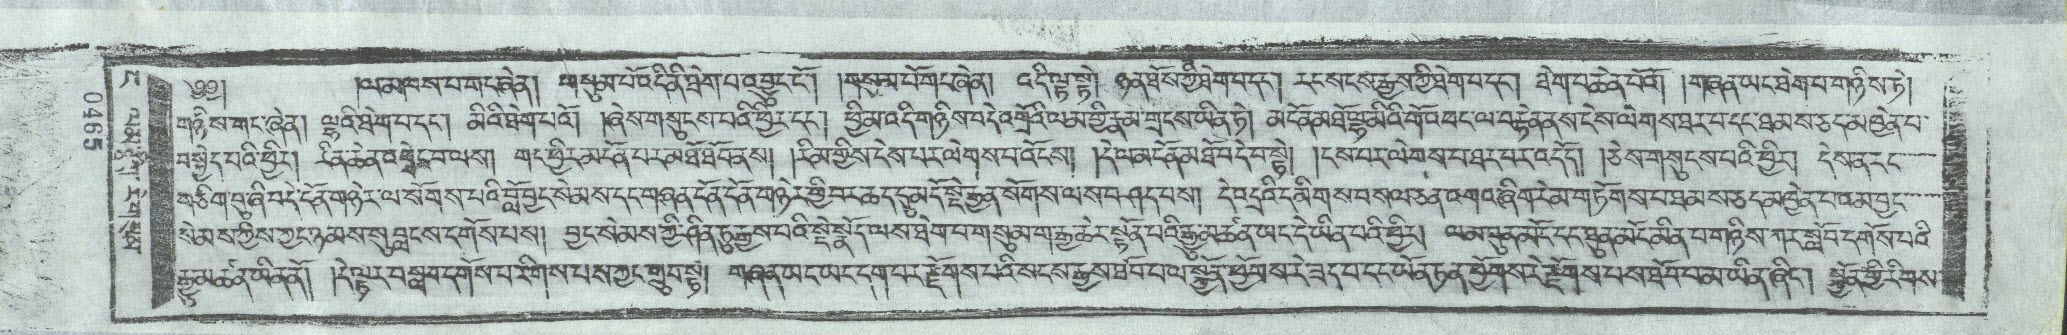༄༅། །ལ་མཁས་པ་གང་ཞེ་ན། གསུམ་པོ་འདི་ནི་ཐེག་པ་འབྱུང་ངོ། །གསུམ་པོ་གང་ཞེ་ན། འདི་ལྟ་སྟེ། ཉན་ཐོས་ཀྱི་ཐེག་པ་དང་། རང་སངས་རྒྱས་ཀྱི་ཐེག་པ་དང་། ཐེག་པ་ཆེན་བོའོ། །གཞན་ཡང་ཐེག་པ་གཉིས་ཏེ།
གཉིས་གང་ཞེ་ན། ལྷའི་ཐེག་པ་དང་། མིའི་ཐེག་པའོ། །ཞེས་གསུངས་པའི་ཕྱིར་དང་། ཕྱི་མ་འདི་གཉིས་བདེ་འགྲོའི་ལམ་གྱི་རྣམ་གྲངས་ཡིན་ཏེ། མངོན་མཐོ་ལྷ་མིའི་གོ་འཕང་ལ་བརྟེན་ནས་ངེས་ལེགས་ཐར་བ་དང་ཐམས་ཅད་མཁྱེན་བ་
བསྐྱེད་པའི་ཕྱིར། རིན་ཆེན་འཕྲེང་བ་ལས། གང་ཕྱིར་མངོན་པར་མཐོ་ཐོབ་ནས། །རིམ་གྱིས་ངེས་པར་ལེགས་པ་འོངས། །དེ་ལ་མངོན་མཐོ་བདེ་བ་སྟེ། །ངས་པར་ལེགས་པ་ཐར་པར་འདོད། །ཅེས་གསུངས་བའི་ཕྱིར། དེས་ན་རང་
གཅིག་བུ་ཞི་བདེ་དོན་གཉེར་ལ་སོགས་པའི་བློ་བྱང་སེམས་དང་གཞན་དོན་དོན་གཉེར་གྱི་བར་ཆད་དུ་མདོ་སྡེ་རྒྱན་སོགས་ལས་བཤད་པས། དེ་འདྲའི་དམིགས་བསལ་ཅན་འགའ་ཞིག་རེ་མ་གཏོགས་བ་ཐམས་ཅད་མཁྱེན་བའམ་བྱང་
སེམས་ཀྱིས་ཀྱང་ཉམས་སུ་བླངས་དགོས་པས། བྱང་སེམས་ཀྱི་ཤིན་ཏུ་རྒྱས་བའི་སྡེ་སྣོད་ལས་ཐེག་པ་གསུམ་ག་རྒྱ་ཆེར་སྟོན་པའི་རྒྱུ་མཚན་ཡང་དེ་ཡིན་པའི་ཕྱིར། ལམ་ཐུན་མོང་དང་ཐུན་མོང་མིན་པ་གཉིས་ཀར་སློབ་དགོས་པའི་
རྒྱུ་མཚན་ཡིན་ནོ། །དེ་ལྟར་བསླབ་དགོས་པ་རིགས་པས་ཀྱང་གྲུབ་སྟེ། གཞན་ཡང་ཡང་དག་པར་རྫོགས་པའི་སངས་རྒྱས་ཐོབ་པ་ལ་སྐྱོན་ཕྱོགས་རེ་ཟད་པ་དང་ཡོན་ཏན་ཕྱོགས་རེ་རྫོགས་པས་ཐོབ་པ་མ་ཡིན་ཞིང་། སྐྱོན་གྱི་རིགས་